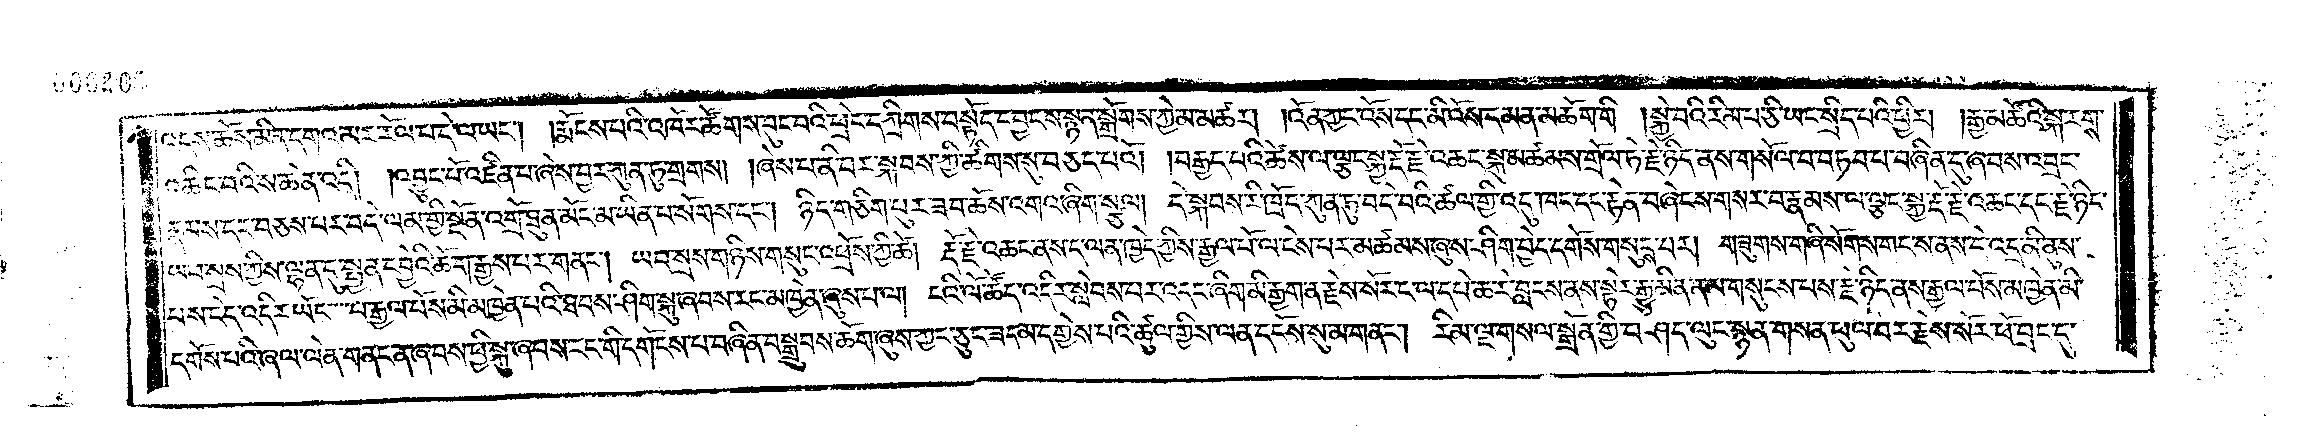འདས་ཆོས་མིན་དགའ་མར་རོལ་པ་དེ་ལ་ཡང་། །རྨོངས་པའི་འཁོར་ཚོགས་བུང་པའི་ཕྲེང་དཀྲིགས་བསྟོད་དབྱངས་སྙན་སྒྲོགས་ཀྱེ་མ་མཚར། །འོན་ཀྱང་འོས་དང་མི་འོས་དམན་མཆོག་གི །སྐྱེ་བའི་རིམ་པ་ཅི་ཡང་སྲིད་པའི་ཕྱིར། །རྒྱ་མཚོའི་སྐ་རགས་
འཆིང་བའི་ས་ཆེན་འདི། །འབྱུང་པོ་འཛིན་པ་ཞེས་བྱར་ཀུན་ཏུ་གྲགས། །ཞེས་པ་ནི་བར་སྐབས་ཀྱི་ཚིགས་སུ་བཅད་པའོ། །བརྒྱད་པའི་ཚེས་ལ་ལྕང་སྐྱ་རྡོ་རྗེ་འཆང་སྐུ་མཚམས་གྲོལ་ཏེ་རྗེ་ཉིད་ནས་གསོལ་བ་བཏབ་པ་བཞིན་དུ་ཞབས་འབྲང་
རྣམས་དང་བཅས་པར་བདེ་ལམ་གྱི་སྔོན་འགྲོ་ཐུན་མོང་མ་ཡིན་པ་སོགས་དང་། ཉིད་གཅིག་པུར་ཟབ་ཆོས་འགའ་ཞིག་སྩལ། དེ་སྐབས་རི་ཁྲོད་ཀུན་ཏུ་བདེ་བའི་ཚལ་གྱི་འདུ་ཁང་དང་རྟེན་བཞེངས་གསར་བ་རྣམས་ལ་ལྕང་སྐྱ་རྡོ་རྗེ་འཆང་དང་རྗེ་ཉིད་
ཡབ་སྲས་ཀྱིས་ལྷན་དུ་སྤྱན་དབྱེའི་ཆོ་ག་རྒྱས་པར་གནང་། ཡབ་སྲས་གཉིས་གསུང་འབྲོས་ཀྱི་ཚེ། རྡོ་རྗེ་འཆང་ནས་ད་ལན་ཁྱེད་ཀྱིས་བརྒྱལ་པོ་ལ་ངེས་པར་མཚམས་ཞུས་ཤིག་བྱེད་དགོས་གསུངས་པར། གཟུགས་གཞི་སོགས་གང་ས་ནས་དེ་འདྲ་མི་ནུས་
པས་ངེད་འདིར་ཡོང་པ་རྒྱལ་པོས་མི་མཁྱེན་པའི་ཐབས་ཤིག་སྐུ་ཞབས་རང་མཁྱེན་ཞུས་པ་ལ། ངའི་ལོ་ཚོད་འདིར་སླེབས་པར་འདང་ཞིག་མི་རྒྱག་ན་རྗེས་སོར་ང་ལ་དཔེ་ཆ་རེ་བླངས་ནས་སྟེར་རྒྱུ་མིན་ནམ་གསུངས་པས་རྗེ་ཉིད་ནས་རྒྱལ་པོས་མཁྱེན་མི་
དགོས་པའི་ཞལ་ལེན་གནང་ན་ཞབས་ཕྱི་སྐུ་ཞབས་རང་གི་དགོངས་པ་བཞིན་བསྒྲུབས་ཆོག་ཞུས་ཀྱང་ཅུང་ཟད་མ་དགྱེས་པའི་ཚུལ་གྱིས་ལན་དངོས་སུ་མ་གནང་། རིམ་ལྔ་གསལ་སྒྲོན་གྱི་བཤད་ལུང་སྙན་གསན་ཕུལ་བར་རྗེས་སོར་ཕོ་བྲང་དུ་